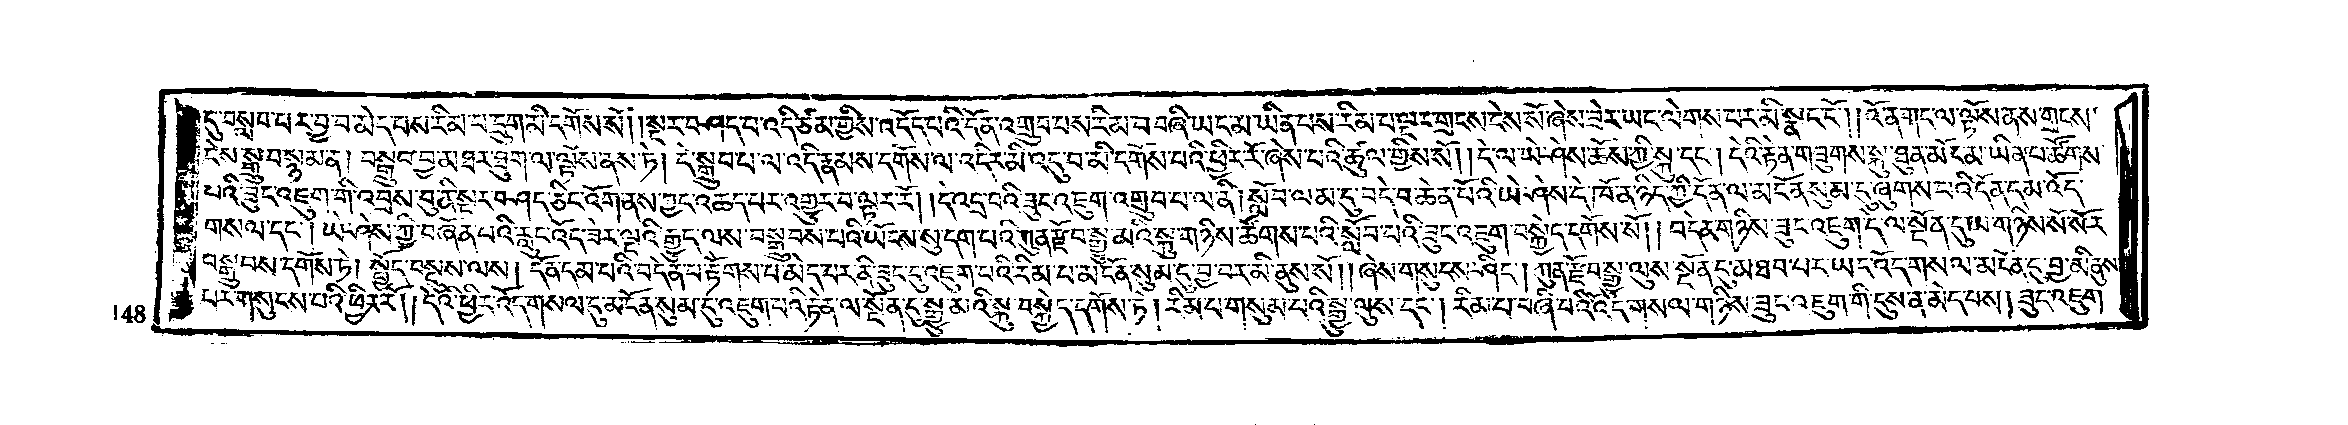དུ་བསླབ་པར་བྱ་བ་མེད་པས་རིམ་པ་དྲུག་མི་དགོས་སོ། །སྔར་བཤད་པ་འདི་ཙམ་གྱིས་འདོད་པའི་དོན་འགྲུབ་པས་རིམ་པ་བཞི་ཡང་མ་ཡིན་པས་རིམ་པ་ལྔར་གྲངས་ངེས་སོ་ཞེས་ཟེར་ཡང་ལེགས་པར་མི་སྣང་ངོ། །འོ་ན་གང་ལ་ལྟོས་ནས་གྲངས་
ངེས་སྒྲུབ་སྙམ་ན། བསྒྲུབ་བྱ་མཐར་ཐུག་ལ་ལྟོས་ནས་ཏེ། དེ་སྒྲུབ་པ་ལ་འདི་རྣམས་དགོས་ལ་འདིར་མི་འདུ་བ་མི་དགོས་པའི་ཕྱིར་རོ་ཞེས་པའི་ཚུལ་གྱིས་སོ། །དེ་ལ་ཡེ་ཤེས་ཆོས་ཀྱི་སྐུ་དང་། དེའི་རྟེན་གཟུགས་སྐུ་ཐུན་མོང་མ་ཡིན་པ་ཚོགས་
པའི་ཟུང་འཇུག་གི་འབྲས་བུ་ནི་སྔར་བཤད་ཅིང་འོག་ནས་ཀྱང་འཆད་པར་འགྱུར་བ་ལྟར་རོ། །དེ་འདྲ་བའི་ཟུང་འཇུག་འགྲུབ་པ་ལ་ནི། སློབ་ལམ་དུ་བདེ་བ་ཆེན་པོའི་ཡེ་ཤེས་དེ་ཁོ་ན་ཉིད་ཀྱི་དོན་ལ་མངོན་སུམ་དུ་ཞུགས་པའི་དོན་དམ་འོད་
གསལ་དང་། ཡེ་ཤེས་ཀྱི་བཞོན་པའི་རླུང་འོད་ཟེར་ལྔའི་རྒྱུད་ལས་བསྒྲུབས་པའི་ཡོངས་སུ་དག་པའི་ཀུན་རྫོབ་སྒྱུ་མའི་སྐུ་གཉིས་ཚོགས་པའི་སློབ་པའི་ཟུང་འཇུག་བསྐྱེད་དགོས་སོ། །བདེན་གཉིས་ཟུང་འཇུག་དེ་ལ་སྔོན་དུ་ཡ་གཉིས་སོ་སོར་
བསྒྲུབས་དགོས་ཏེ། སྤྱོད་བསྡུས་ལས། དོན་དམ་པའི་བདེན་པ་རྟོགས་པ་མེད་པར་ནི་ཟུང་དུ་འཇུག་པའི་རིམ་པ་མངོན་སུམ་དུ་བྱ་བར་མི་ནུས་སོ། །ཞེས་གསུངས་ཤིང་། ཀུན་རྫོབ་སྒྱུ་ལུས་སྔོན་དུ་མ་ཐབ་པར་ཡང་འོད་གསལ་མངོན་དུ་བྱ་མི་ནུས་
པར་གསུངས་པའི་ཕྱིར་རོ། །དེའི་ཕྱིར་འོད་གསལ་དུ་མངོན་སུམ་དུ་འཇུག་པའི་རྟེན་ལ་སྔོན་དུ་སྒྱུ་མའི་སྐུ་བསྐྱེད་དགོས་ཏེ། རིམ་པ་གསུམ་པའི་སྒྱུ་ལུས་དང་། རིམ་པ་བཞི་པའི་འོད་གསལ་གཉིས་ཟུང་འཇུག་གི་དུས་ན་མེད་པས། ཟུང་འཇུག་